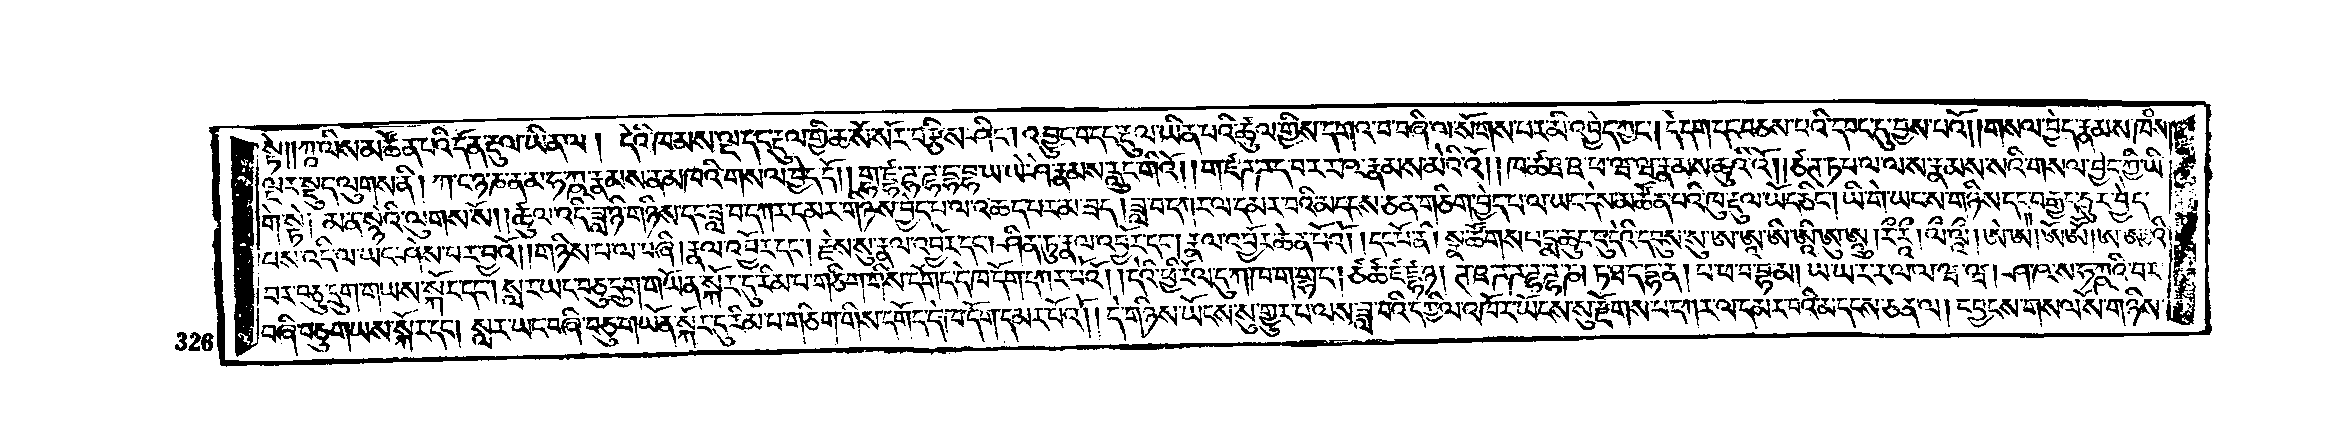སྟེ། །ཀཱ་ལིས་མཚོན་པའི་དོན་རྡུལ་ཡིན་ལ། དེའི་ཁམས་ལྔ་དང་རྡུལ་གྱི་ཆ་སོ་སོར་བརྩིས་ཤིང་། འབྱུང་བ་དང་རྡུལ་ཡིན་པའི་ཚུལ་གྱིས་དགའ་བ་བཞི་ལ་སོགས་པར་མི་འབྱེད་ཀྱང་། དེ་དག་དང་བཅས་པའི་དབང་དུ་བྱས་པའོ། །གསལ་བྱེད་རྣམས་ཁམས་
ལྔར་སྡུད་ལུགས་ནི། ཀ་ང་ཉ་ཎ་ན་མ་ཧ་ཀྵ་རྣམས་ནམ་མཁའི་གསལ་བྱེད་དོ། །གྷ་ཛྷ་ཌྷ་ཌྷ་དྷ་བྷ་ཡ་ཡ་ཤ་རྣམས་རླུང་གིའོ། །ག་ཛ་ཌ་ཌ་ད་བ་ར་ར་ཥ་རྣམས་མེའི་འོ། །ཁ་ཚ་ཊཿཨ་ཊཿཨ་ཕ་ཝ་ཝ་རྣམས་ཆུའི་འོ། །ཙ་ཊ་ཏ་པ་ལ་ལ་ས་རྣམས་སའི་གསལ་བྱེད་ཀྱི་ཡི་
གེ་སྟེ། མན་སྙེའི་ལུགས་སོ། །ཚུལ་འདི་ཟླ་ཉི་གཉིས་དང་ཟླ་བ་དཀར་དམར་གཉིས་བྱེད་པ་ལ་འཆད་པར་མ་ཟད། ཟླ་བ་དཀར་ལ་དམར་བའི་མདངས་ཅན་གཅིག་བྱེད་པ་ལ་ཡང་དེས་མཚོན་པའི་ཁུ་རྡུལ་ཡོད་ཅིང་། ཡི་གེ་ཡང་ས་གཉིས་དང་བརྒྱད་ཅུར་བྱེད་
པས་འདི་ལ་ཡང་ཤེས་པར་བྱའོ། །གཉིས་པ་ལ་བཞི། རྣལ་འབྱོར་དང་། རྗེས་སུ་རྣལ་འབྱོར་དང་། ཤིན་ཏུ་རྣལ་འབྱོར་དང་། རྣལ་འབྱོར་ཆེན་པོའོ། །དང་པོ་ནི། སྣ་ཚོགས་པདམ་ཆུང་ངུ་དེའི་དབུས་སུ་ཨ་ཨཱ་ཨི་ཨཱི་ཨུ་ཨཱུ། རྀ་རཱྀ། ལྀ་ལཱྀ། ཨེ་ཨཻ། ཨོ་ཨཽ། ཨཾ་ཨཿའི་
བར་བཅུ་དྲུག་གཡས་སྐོར་དང་། སླར་ཡང་བཅུ་དྲུག་གཡོན་སྐོར་དུ་རིམ་པ་གཅིག་གིས་དགོད་དེ་ཁ་དོག་དཀར་པོའོ། །དེའི་ཕྱི་རོལ་དུ་ཀ་ཁ་ག་གྷ་ང་། ཙ་ཚ་ཛ་ཛྷ་ཉ། ཊ་ཊཿཨ་ཌ་ཌ་ཌྷ་ཌྷ་ཎ། ཏ་ཐ་ད་དྷ་ན། པ་ཕ་བ་བྷ་མ། ཡ་ཡ་ར་ར་ལ་ལ་ཝ་ཝ། ཤ་ཥ་ས་ཧ་ཀྵའི་བར་
བཞི་བཅུ་གཡས་སྐོར་དང་། སླར་ཡང་བཞི་བཅུ་གཡོན་སྐོར་དུ་རིམ་པ་གཅིག་གིས་དགོད་དེ་ཁ་དོག་དམར་པོའོ། །དེ་གཉིས་ཡོངས་སུ་གྱུར་པ་ལས་ཟླ་བའི་དཀྱིལ་འཁོར་ཡོངས་སུ་རྫོགས་པ་དཀར་ལ་དམར་བའི་མདངས་ཅན་ལ། དབྱངས་གསལ་སོ་གཉིས་